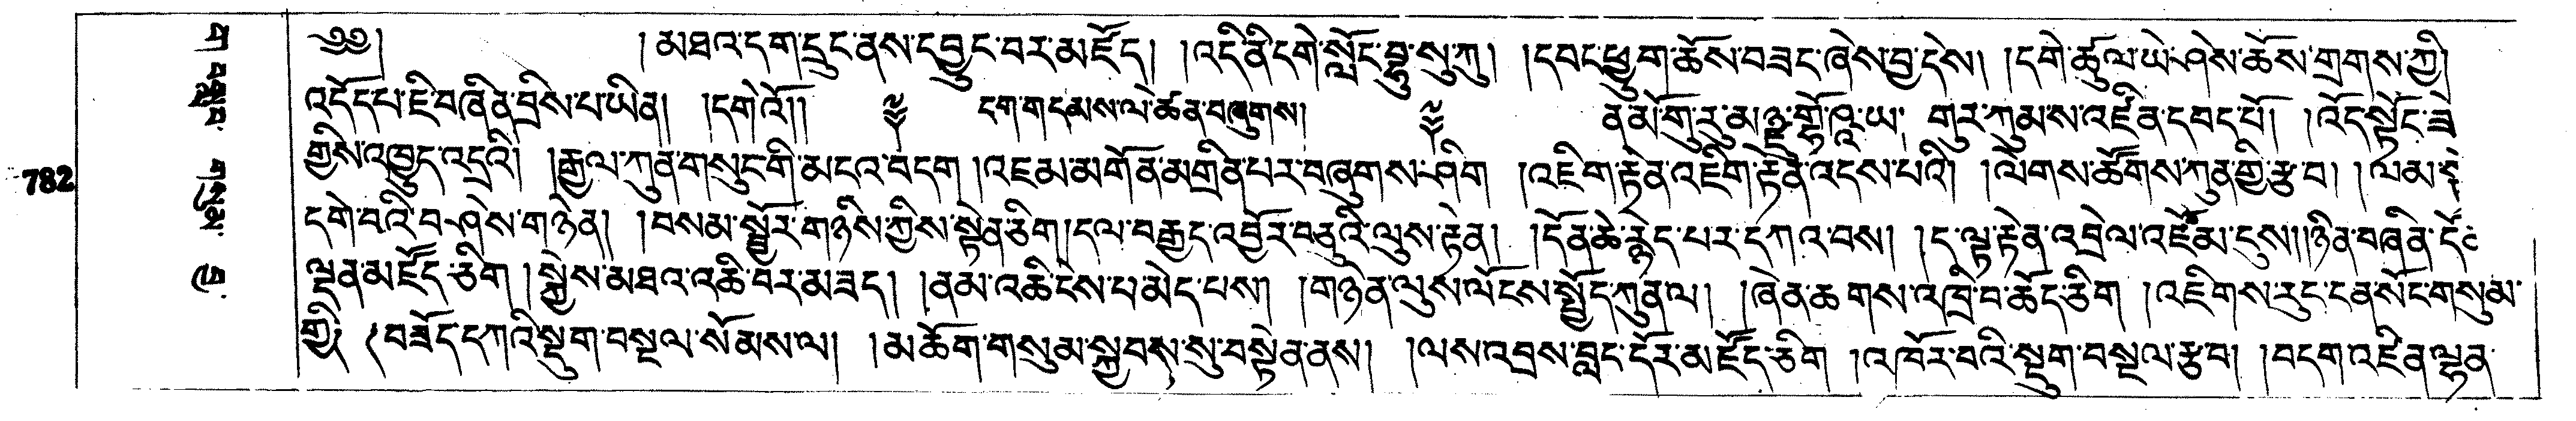༄༅། །མཐའ་དག་དྲུང་ནས་དབྱུང་བར་མཛོད། །འདི་ནི་དགེ་སློང་བྷུ་སུ་ཀུ། །དབང་ཕྱུག་ཆོས་བཟང་ཞེས་བྱ་དེས། །དགེ་ཚུལ་ཡེ་ཤེས་ཆོས་གྲགས་ཀྱི།
འདོད་པ་ཇི་བཞིན་བྲིས་པ་ཡིན། །དགེའོ།། ༈ ངག་གདམས་ལ་ཚེན་བཞུགས། ༈ ན་མོ་གུ་རུ་མཉྫུ་གྷོ་ཥཱ་ཡ། གུར་ཀུམས་འཛིན་དབང་པོ། །འོད་སྟོང་ཟེ་
གྱིས་འཁྱུད་འདྲའི། །རྒྱལ་ཀུན་གསུང་གི་མངའ་བདག །འཇམ་མགོན་མགྲིན་པར་བཞུགས་ཤིག །འཇིག་རྟེན་འཇིག་རྟེན་འདས་པའི། །ལེགས་ཚོགས་ཀུན་གྱི་རྩ་བ། །ལམ་སྟེ་
དགེ་བའི་བཤེས་གཉེན། །བསམ་སྦྱོར་གཉིས་ཀྱིས་སྟེན་ཅིག །དལ་བརྒྱད་འབྱོར་བཅུའི་ལུས་རྟེན། །དོན་ཆེ་རྙེད་པར་དཀའ་བས། །ད་ལྟ་རྟེན་འབྲེལ་འཛོམ་དུས། །ཉིན་བཞིན་དོན་
ལྡན་མཛོད་ཅིག །སྐྱེས་མཐའ་འཆི་བར་མ་ཟད། །ནམ་འཆི་ངེས་པ་མེད་པས། །གཉེན་ལུས་ལོངས་སྤྱོད་ཀུན་ལ། །ཞེན་ཆགས་འཁྲི་བ་ཆོད་ཅིག །འཇིགས་རུང་ངན་སོང་གསུམ་
གྱི༑ ༑བཟོད་དཀའི་སྡུག་བསྔལ་སོམས་ལ། །མཆོག་གསུམ་སྐྱབས་སུ་བསྟེན་ནས། །ལས་འབྲས་བླང་དོར་མཛོད་ཅིག །འཁོར་བའི་སྡུག་བསྔལ་རྩ་བ། །བདག་འཛིན་ལྷན་